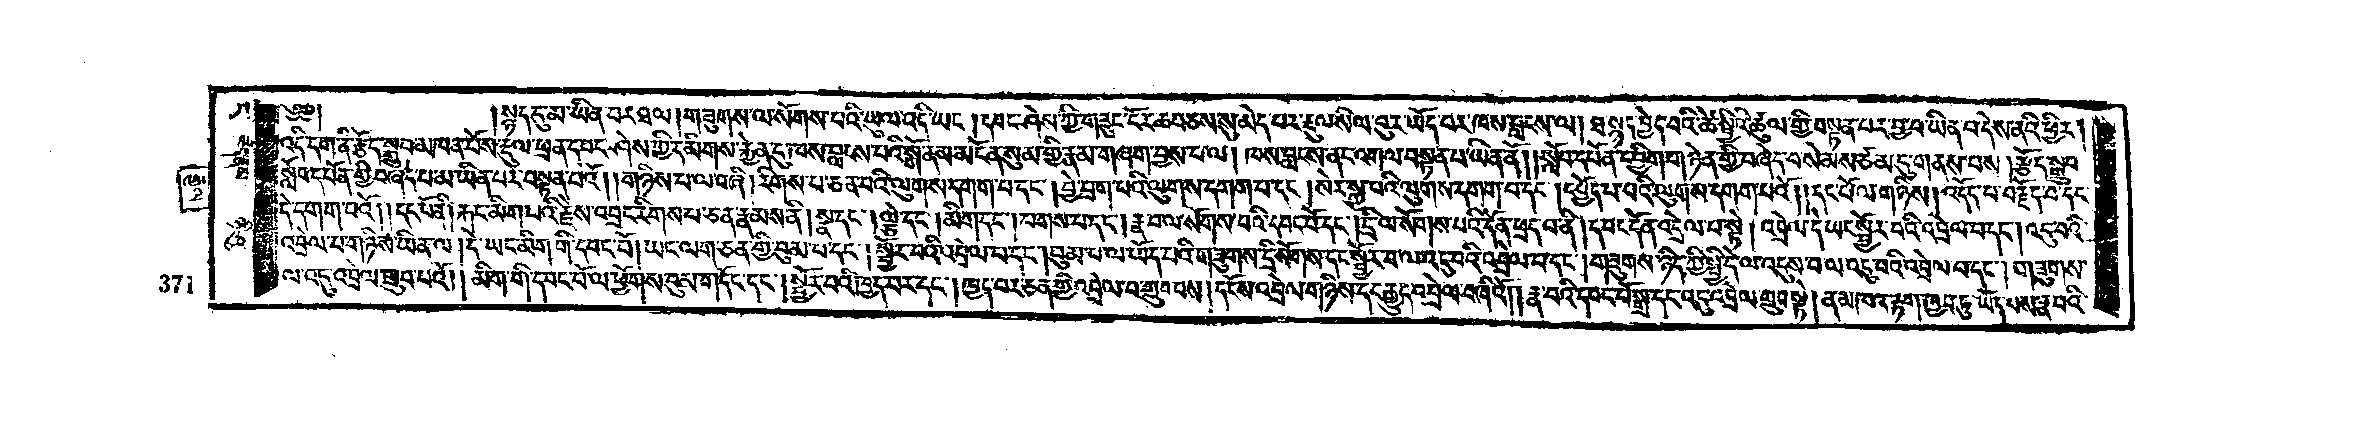༄༅། །སྙད་དུ་མ་ཡིན་པར་ཐལ། གཟུགས་ལ་སོགས་པའི་ཡུལ་འདི་ཡང་། དབང་ཤེས་ཀྱི་གཟུང་ངོར་ཆ་བཅས་སུ་མེད་པར་རྡུལ་སིལ་བུར་ཡོད་པར་ཁས་བླངས་ལ། ཐ་སྙད་བྱེད་པའི་ཚེ་སྤྱིའི་ཚུལ་གྱི་བསྟན་པར་བྱ་བ་ཡིན་བ་དེས་ནའི་ཕྱིར།
འདི་དག་ནི་རྩོད་སྒྲུབ་མཁན་པོས་རྡུལ་ཕྲན་དབང་ཤེས་ཀྱི་དམིགས་རྐྱེན་དུ་ཁས་བླངས་པའི་སྒོ་ནས་མངོན་སུམ་གྱི་རྣམ་གཞག་བྱས་པ་ལ། ཁས་བླངས་ནང་འགལ་བསྟན་པ་ཡིན་ནོ། །སློབ་དཔོན་དབྱིག་གཉིས་ཀྱི་བཞེད་བ་སེམས་ཙམ་དུ་གནས་པས། རྩོད་སྒྲུབ་
སློབ་དཔོན་གྱི་བཞེད་པ་མ་ཡིན་པ་བསྟན་པའོ། །གཉིས་པ་ལ་བཞི། རིགས་པ་ཅན་པའི་ལུགས་དག་པ་དང་། བྱེ་བྲག་པའི་ལུགས་དགག་པ་དང་། སེར་སྐྱེ་བའི་ལུགས་དགག་པ་དང་། དཔྱོད་པ་པའི་ལུགས་དགག་པའོ། །དང་པོ་ལ་གཉིས། འདོད་པ་བརྗོད་པ་དང་
དེ་དགག་པའོ། །དང་པོ་ནི། རྐང་མིག་པའི་རྗེས་འབྲང་རིགས་པ་ཅན་རྣམས་ནི། སྣ་དང་། ལྕེ་དང་། མིག་དང་། པགས་པ་དང་། རྣ་བ་ལ་སོགས་པའི་དབང་པོ་དང་། དྲི་ལ་སོགས་པའི་དོན་ཕྲད་པ་ནི། དབང་དོན་འདྲེལ་པ་སྟེ། འབྲེལ་དེ་ཡང་སྦྱོར་བའི་འབྲེལ་བ་དང་། འདུ་བའི་
འབྲེལ་པ་གཉིས་ཡིན་ལ། དེ་ཡང་མིག་གི་དབང་པོ། ཡང་ལག་ཅང་ཡི་བུམ་པ་དང་། སྦྱོར་བའི་འབྲེལ་པ་དང་། བུམ་པ་ལ་ཡོད་པའི་གཟུགས་དྲི་སོགས་དང་སྦྱོར་བ་ལ་འདུ་བའི་འབྲེལ་བ་དང་། གཟུགས་ཉིད་ཀྱི་སྤྱི་དེ་ལ་འདུས་བ་ལ་འདུ་བའི་འབྲེལ་བ་དང་། གཟུགས་
ལ་འདུ་འབྲེལ་གྲུབ་པའོ། མིག་གི་དབང་པོ་ལ་ཕྱོགས་བུམ་གདོང་དང་། སྦྱོར་བའི་ཁྱད་པར་དང་། ཁྱད་པར་ཅན་གྱི་འབྲེལ་བ་གྲུབ་པས། དངོས་འབྲེལ་གཉིས་དང་། རྒྱུད་འབྲེལ་བཞིའོ། །རྣམ་བའི་དབང་པོ་སྒྲ་དང་འདུ་འབྲེལ་གྲུབ་སྟེ། ནམ་མཁས་རྟག་ཁྱབ་ཏུ་ཡོད་པས་རྣ་བའི་